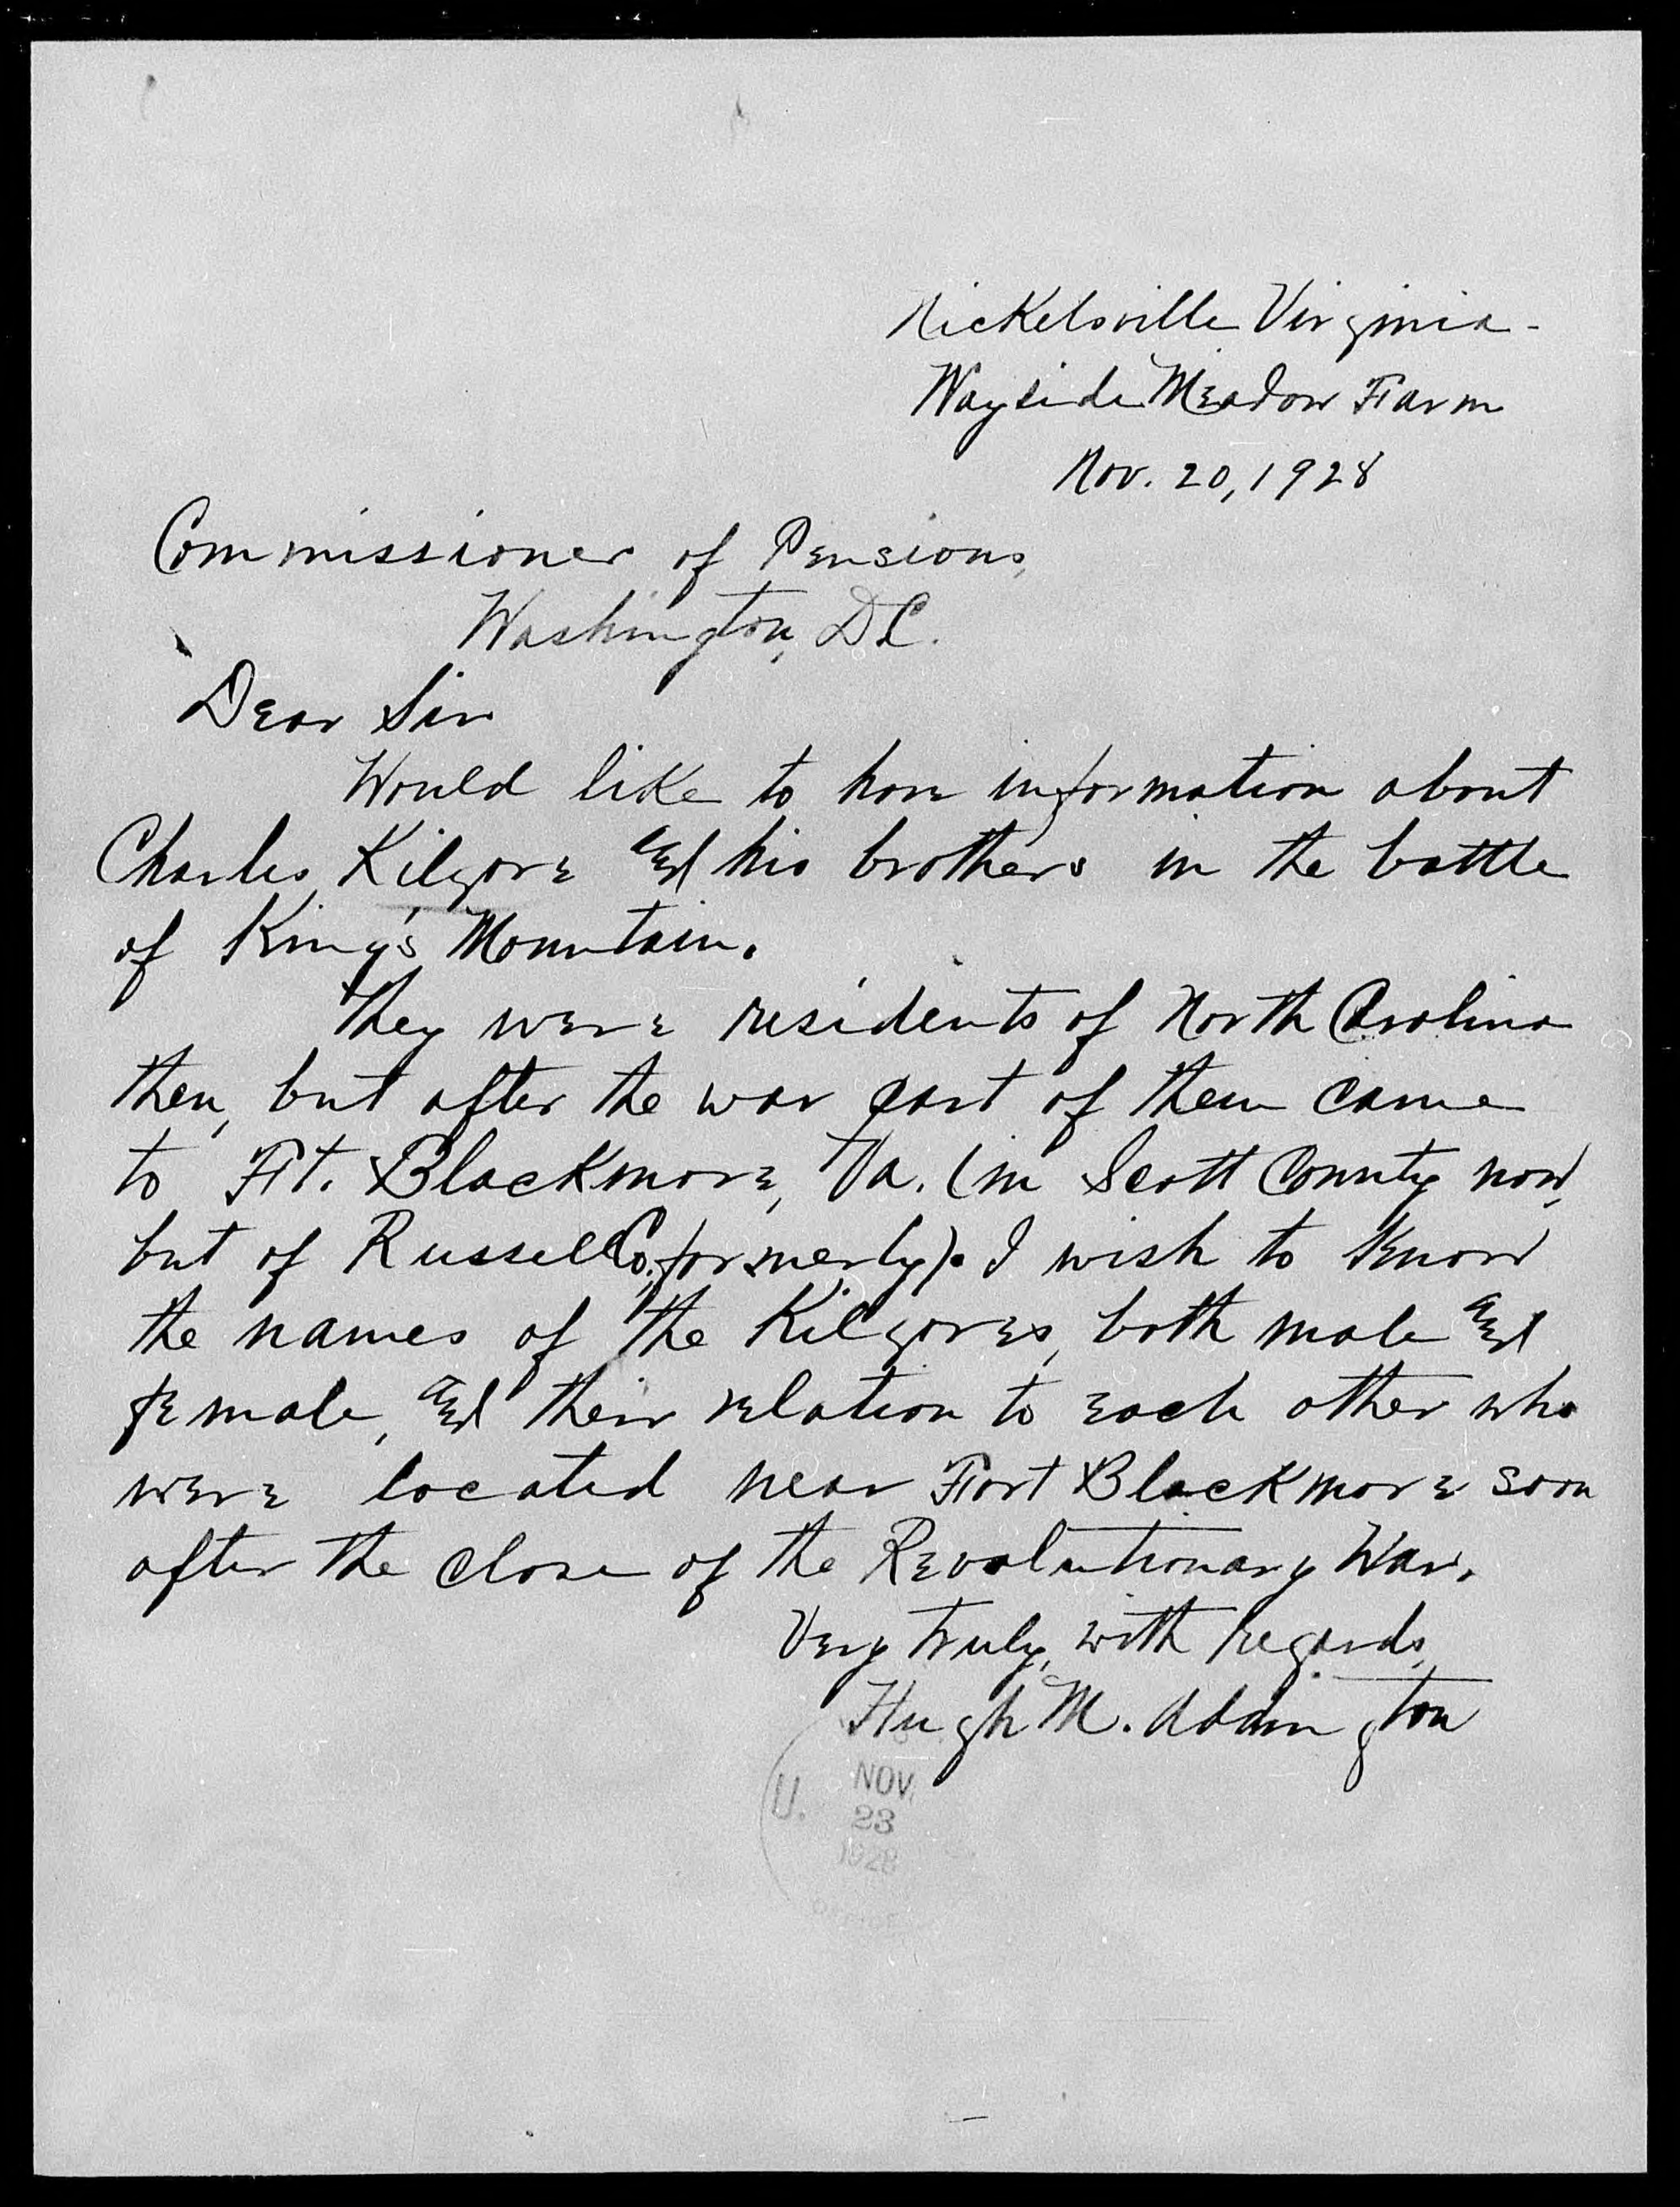Nickelsville Virginia
Wayside Meadow Farm
Nov. 20, 1928

Commissioner of Pensions
Washington, D.C.

Dear Sir
Would like to have information about Charles Kilgore and his brothers in the battle of Kings Mountain.
They were residents of North Carolina then, but after the war part of them came to Ft. Blackmore, Va. (in Scott County now, but of Russell formerly). I wish to know the names of the Kilgores, both male and female, and their relation to each other who were located near Fort Blackmore soon after the close of the Revolutionary War.
Very truly with regards,
Hugh M. Addington

[stamped: U.S. PENSION OFFICE NOV 23 1938]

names: Hugh M Addington; Charles Kilgore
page: 77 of 115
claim: survivor's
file: S. 699, for Charles Kilgore, Virginia